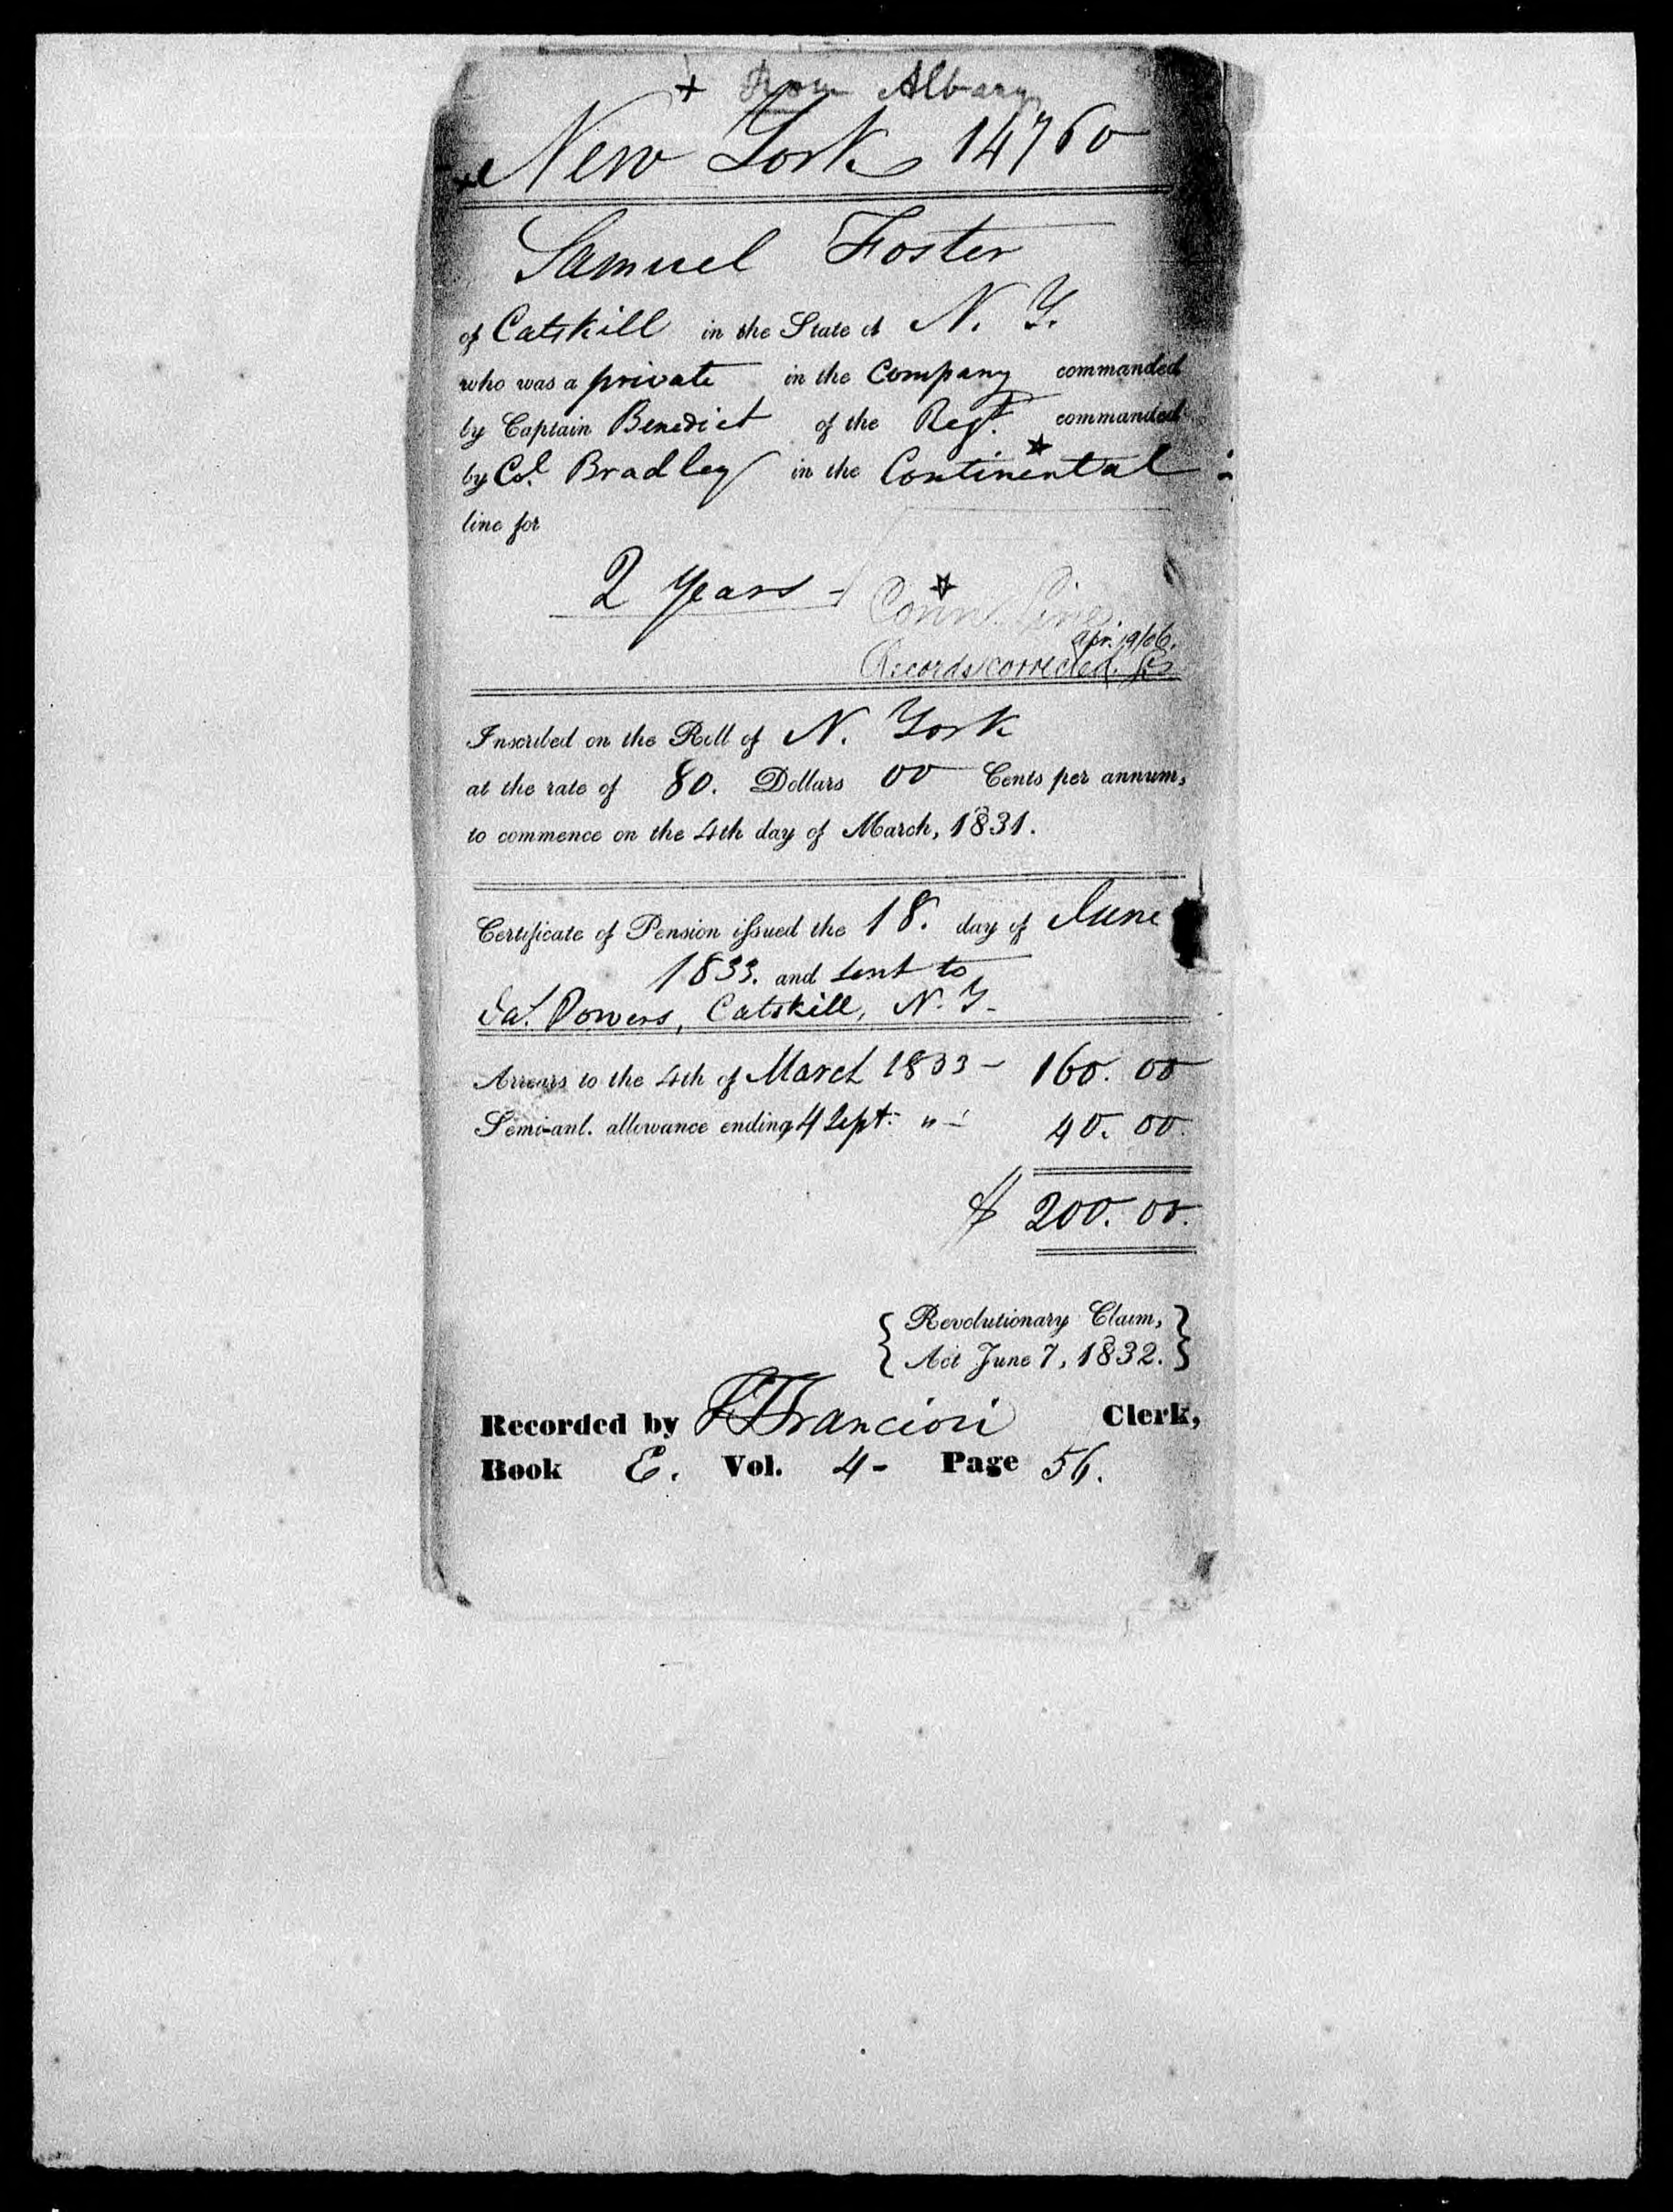+ From Albany
New York 14760
Samuel Foster
of Catskill in the State of N.Y. who was a private in the company commanded by Caprain Benedict on the Regt commanded by Col Bradley in the Continental [with a hand drawn star above] line for 2 years - Conn. [with a hand drawn star above] Line. Records corrected Apr. 19/06 [illegible initials]
Inscribed o the Roll of N. York at the rate of 80,.  Dollars 00 Cents per annum, to commence on the 4th day of March, 1831.
Certificate of Pension issues the 18. day of June 1833. and sent to [illegible] Powers, Catskill, N.Y.
Arrears to the 4th of March 1803 - 160.00
Semi-ant. allowance ending 4 Sept. - 40.00
$200.00
{Revolutionary Claim, Act June 7, 1882. }
Recorded by LFFranciori Clerk, Book E. Vol. 4- Page 56.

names: F F Franciosi, Benedict, Samuel Foster, Jas Powers, Bradley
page: 2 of 54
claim: survivor's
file: S. 13,043, Samuel Foster, Conn.